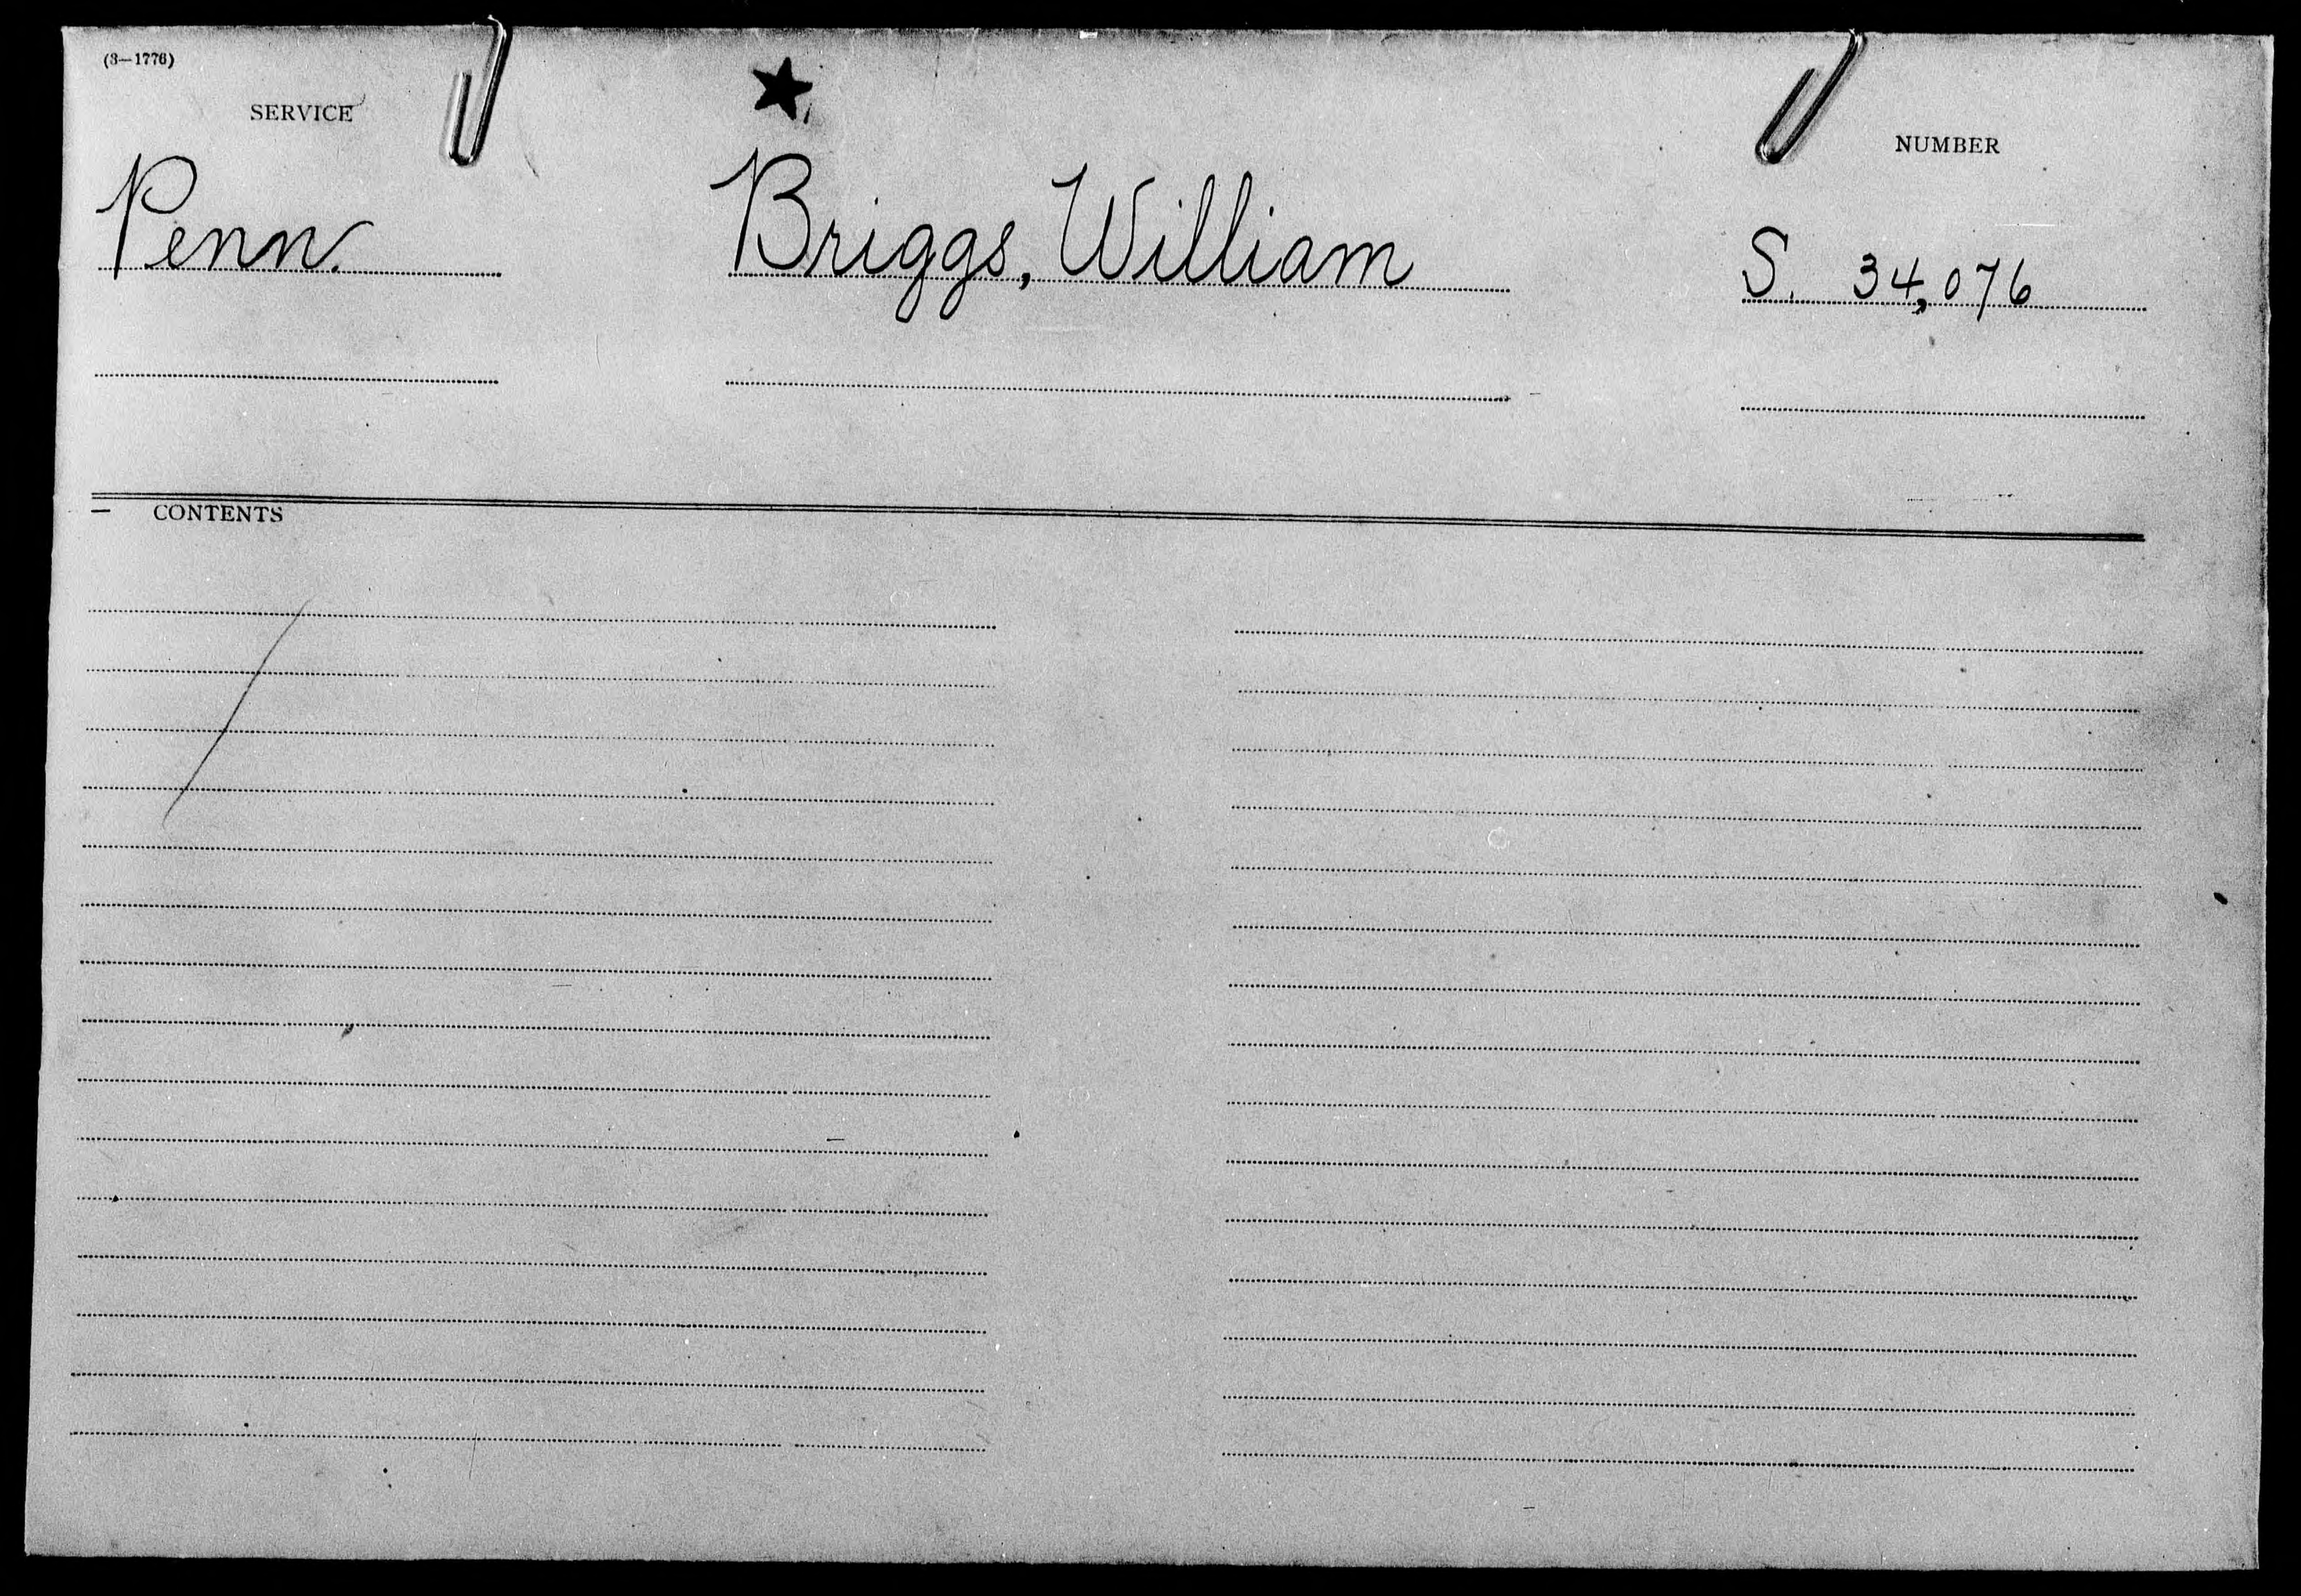Service                                    Number

Penn.         Briggs, William    S.34,076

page: 1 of 9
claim: survivor's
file: S. 34,076, William Briggs, Penn.